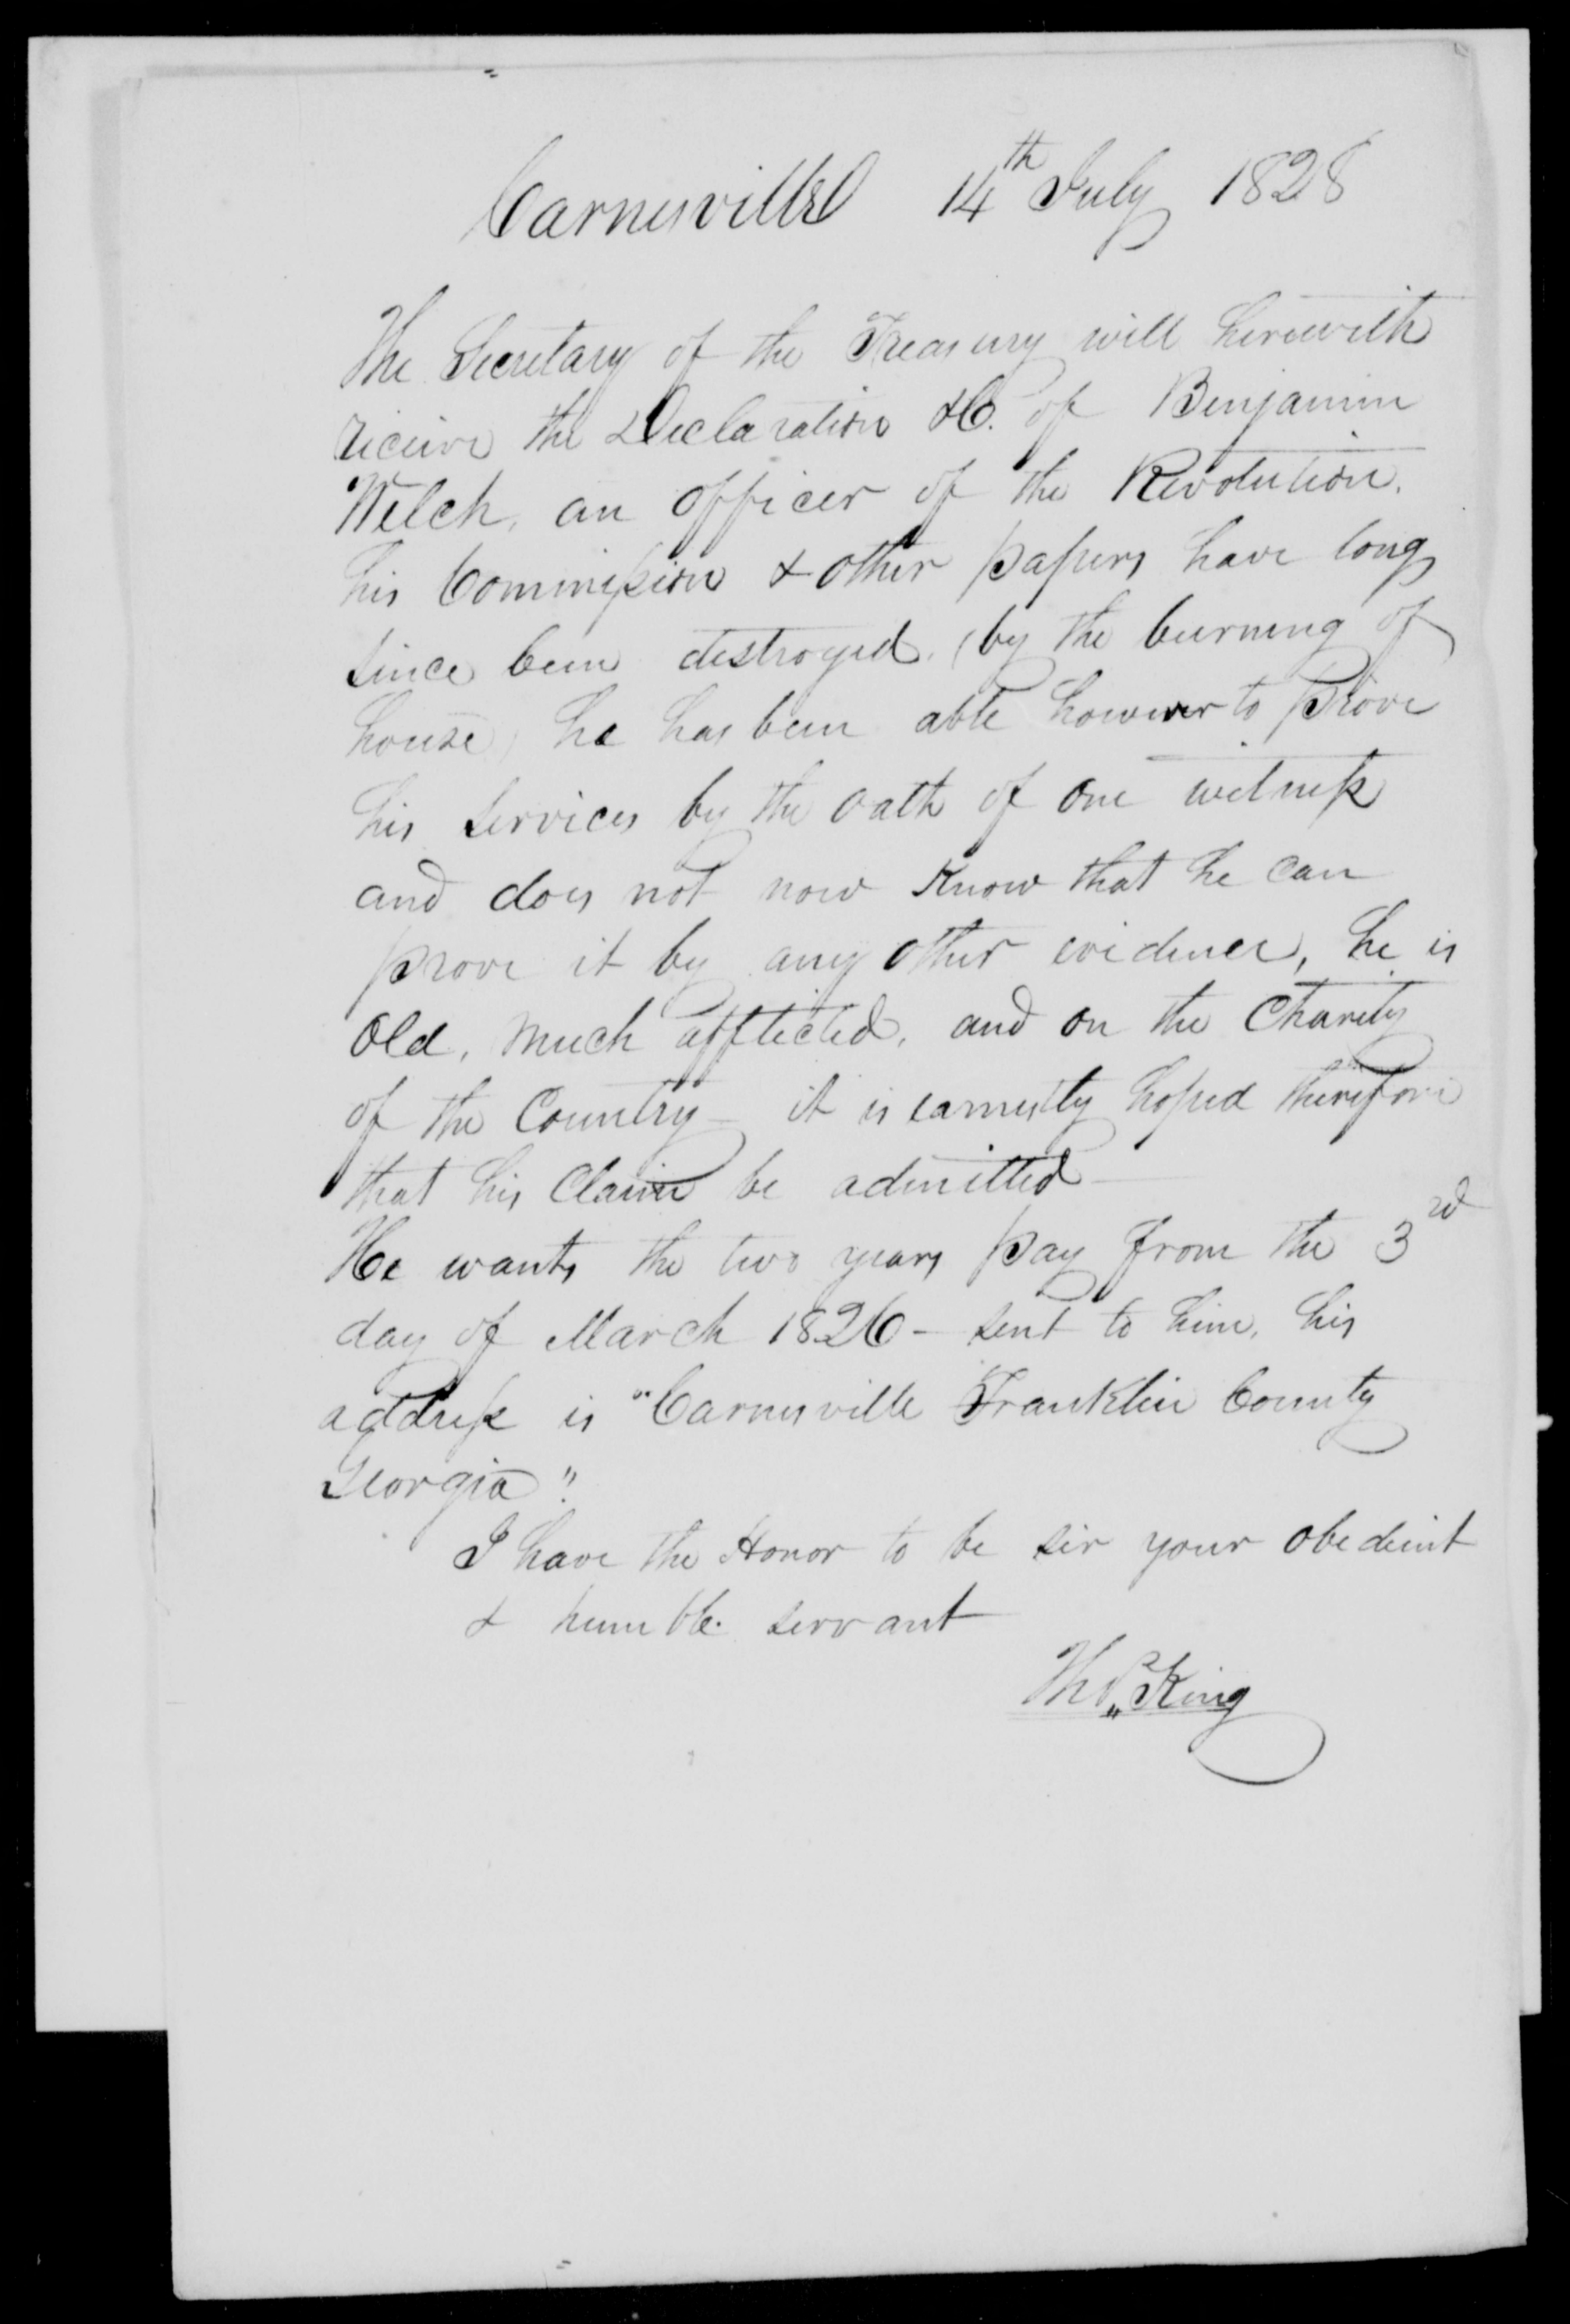Carnesville 14th July 1828
The Secretary of the Treasury will herewith
receive the Declaration &c of Benjamin
Welch, an officer of the Revolution, his Commission & other papers have long
since been destroyed (by the burning of
house) he has been able however to prove
his services by the oath of one witness and does not now know that he can prove it by any other evidence, he is old, much afflicted and on the Charity of the Country, it is earnestly hoped therefore that his claim be admitted
He wants the two years pay from the 3rd day of March 1826 - sent to him, his address is "Carnesville Franklin County Georgia".
I have the honor to be Sir your Obedient
& humble Servant
Thos. King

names: Thos King, Benjamin Welch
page: 12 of 23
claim: rejected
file: R. 20,446, Benjamin Welch, Ga.